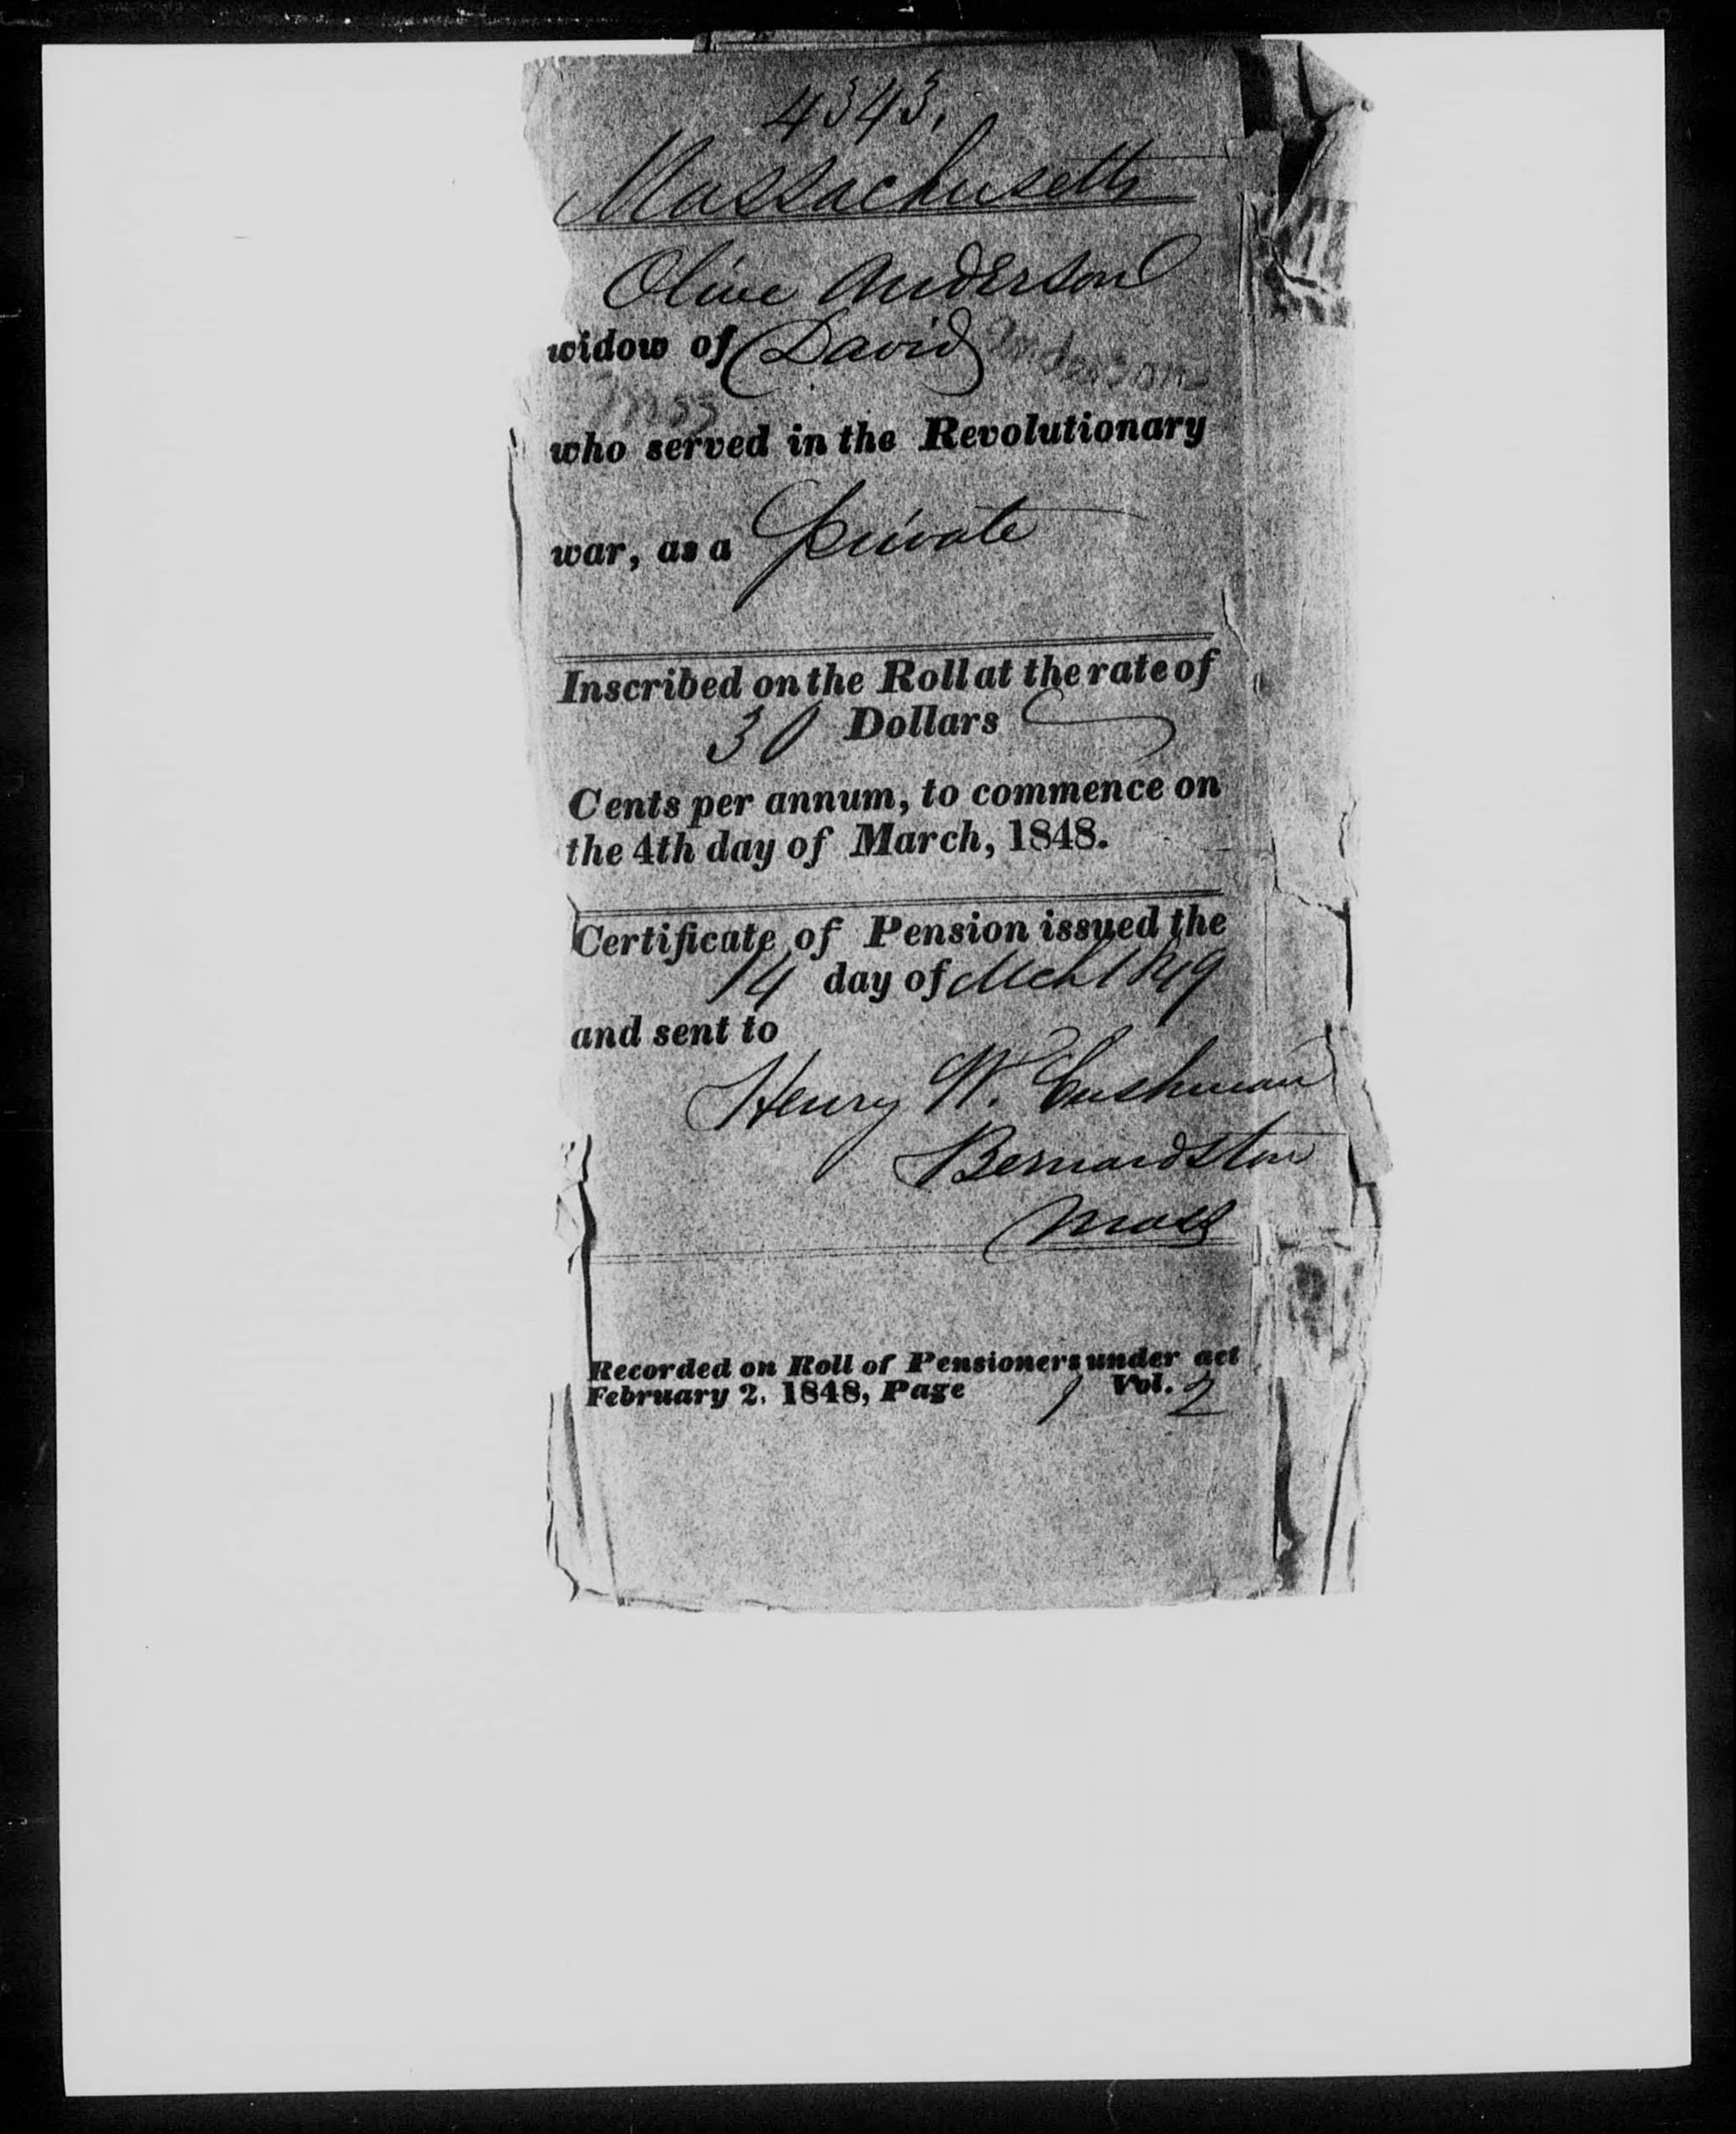4343.
Massachusetts
Olive Anderson
widow of David Anderson
who served in the Revolutionary war, as a private
Inscribed on the Roll at the rate of
30 Dollars --
Cents per annum, to commence on
the 4th day of March, 1848.
Certificate of Pension issued the
14 day of Mch 19
and sent to
Henry W. Cushman
Bemardston
Mass
Recorded on Roll of Pensioners under act
February 2, 1848, Page 1 Vol. 2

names: Olive Anderson, Henry W Cushman, David Anderson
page: 19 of 39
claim: widow's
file: W. 20624, David Anderson, Mass